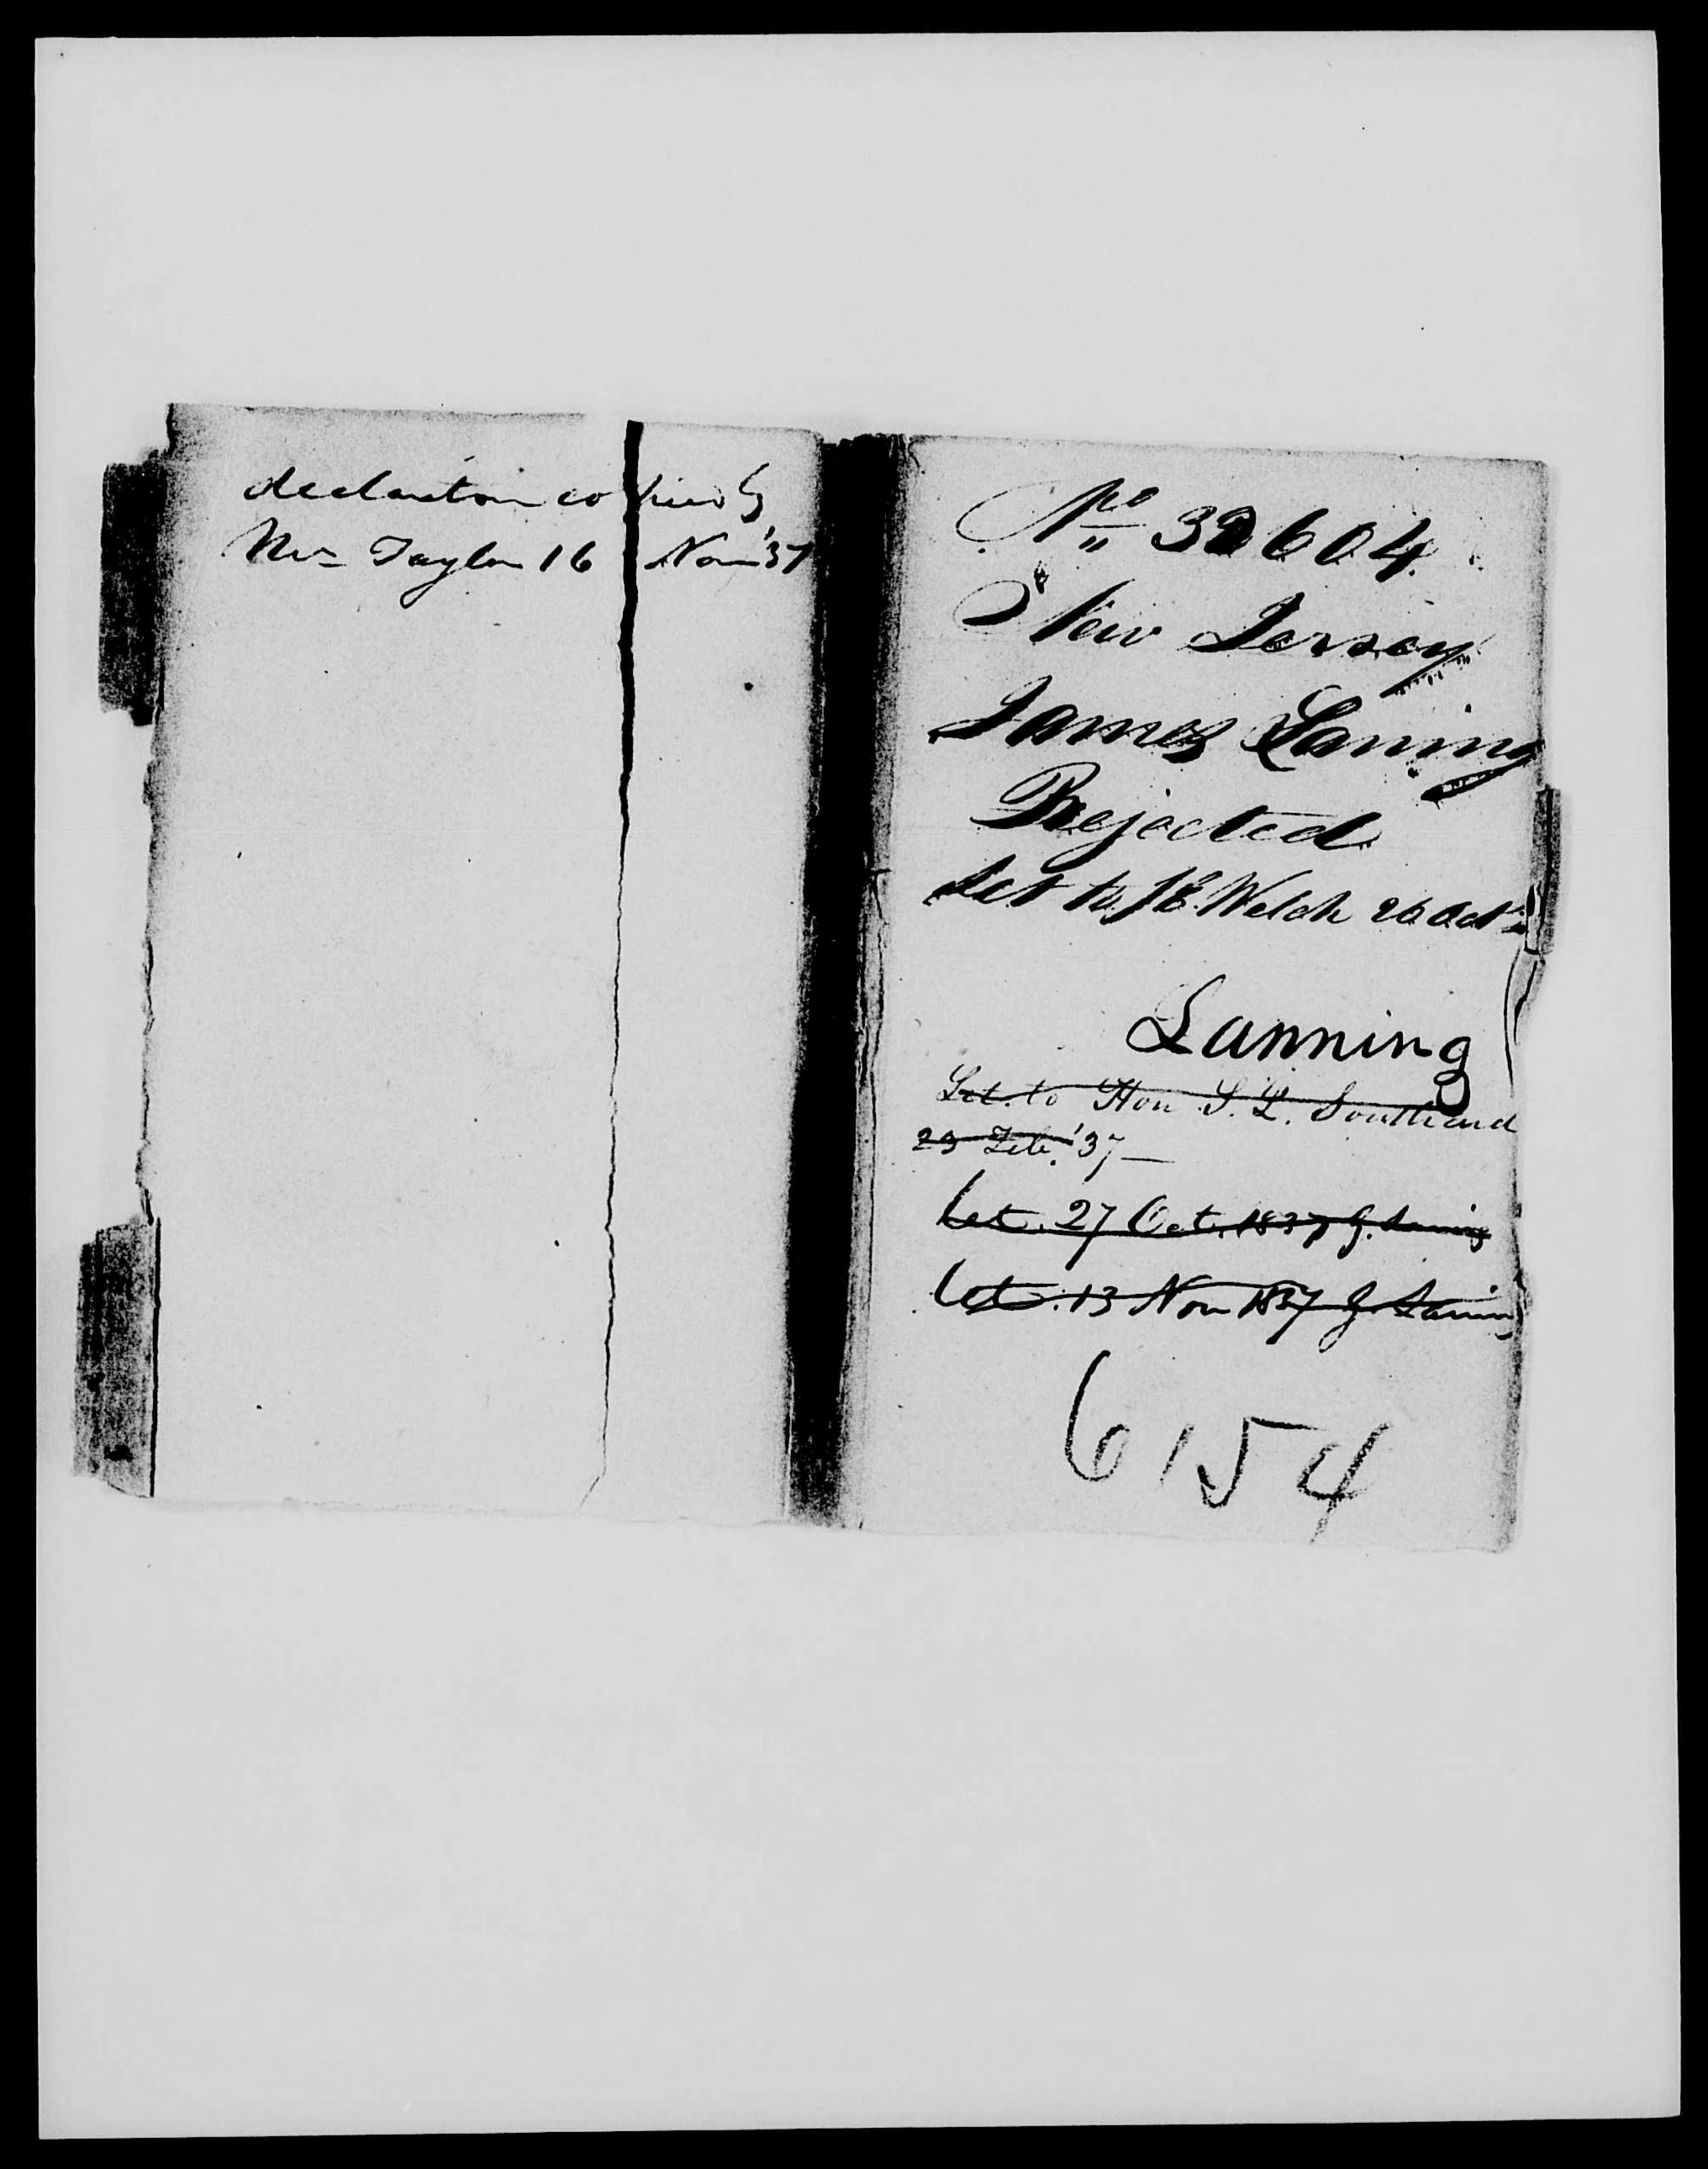declaration copies
Mr- Taylor 16 Nov '37

No.. 30604
New Jersey
James Laning
Rejected
let to J E Welch 26 Octr.
Lanning
6154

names: S L Southard; G Laning; [BLANK] Lanning; James Laning; [BLANK] Taylor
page: 23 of 39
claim: rejected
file: R. 6154, for James Laning, New Jersey